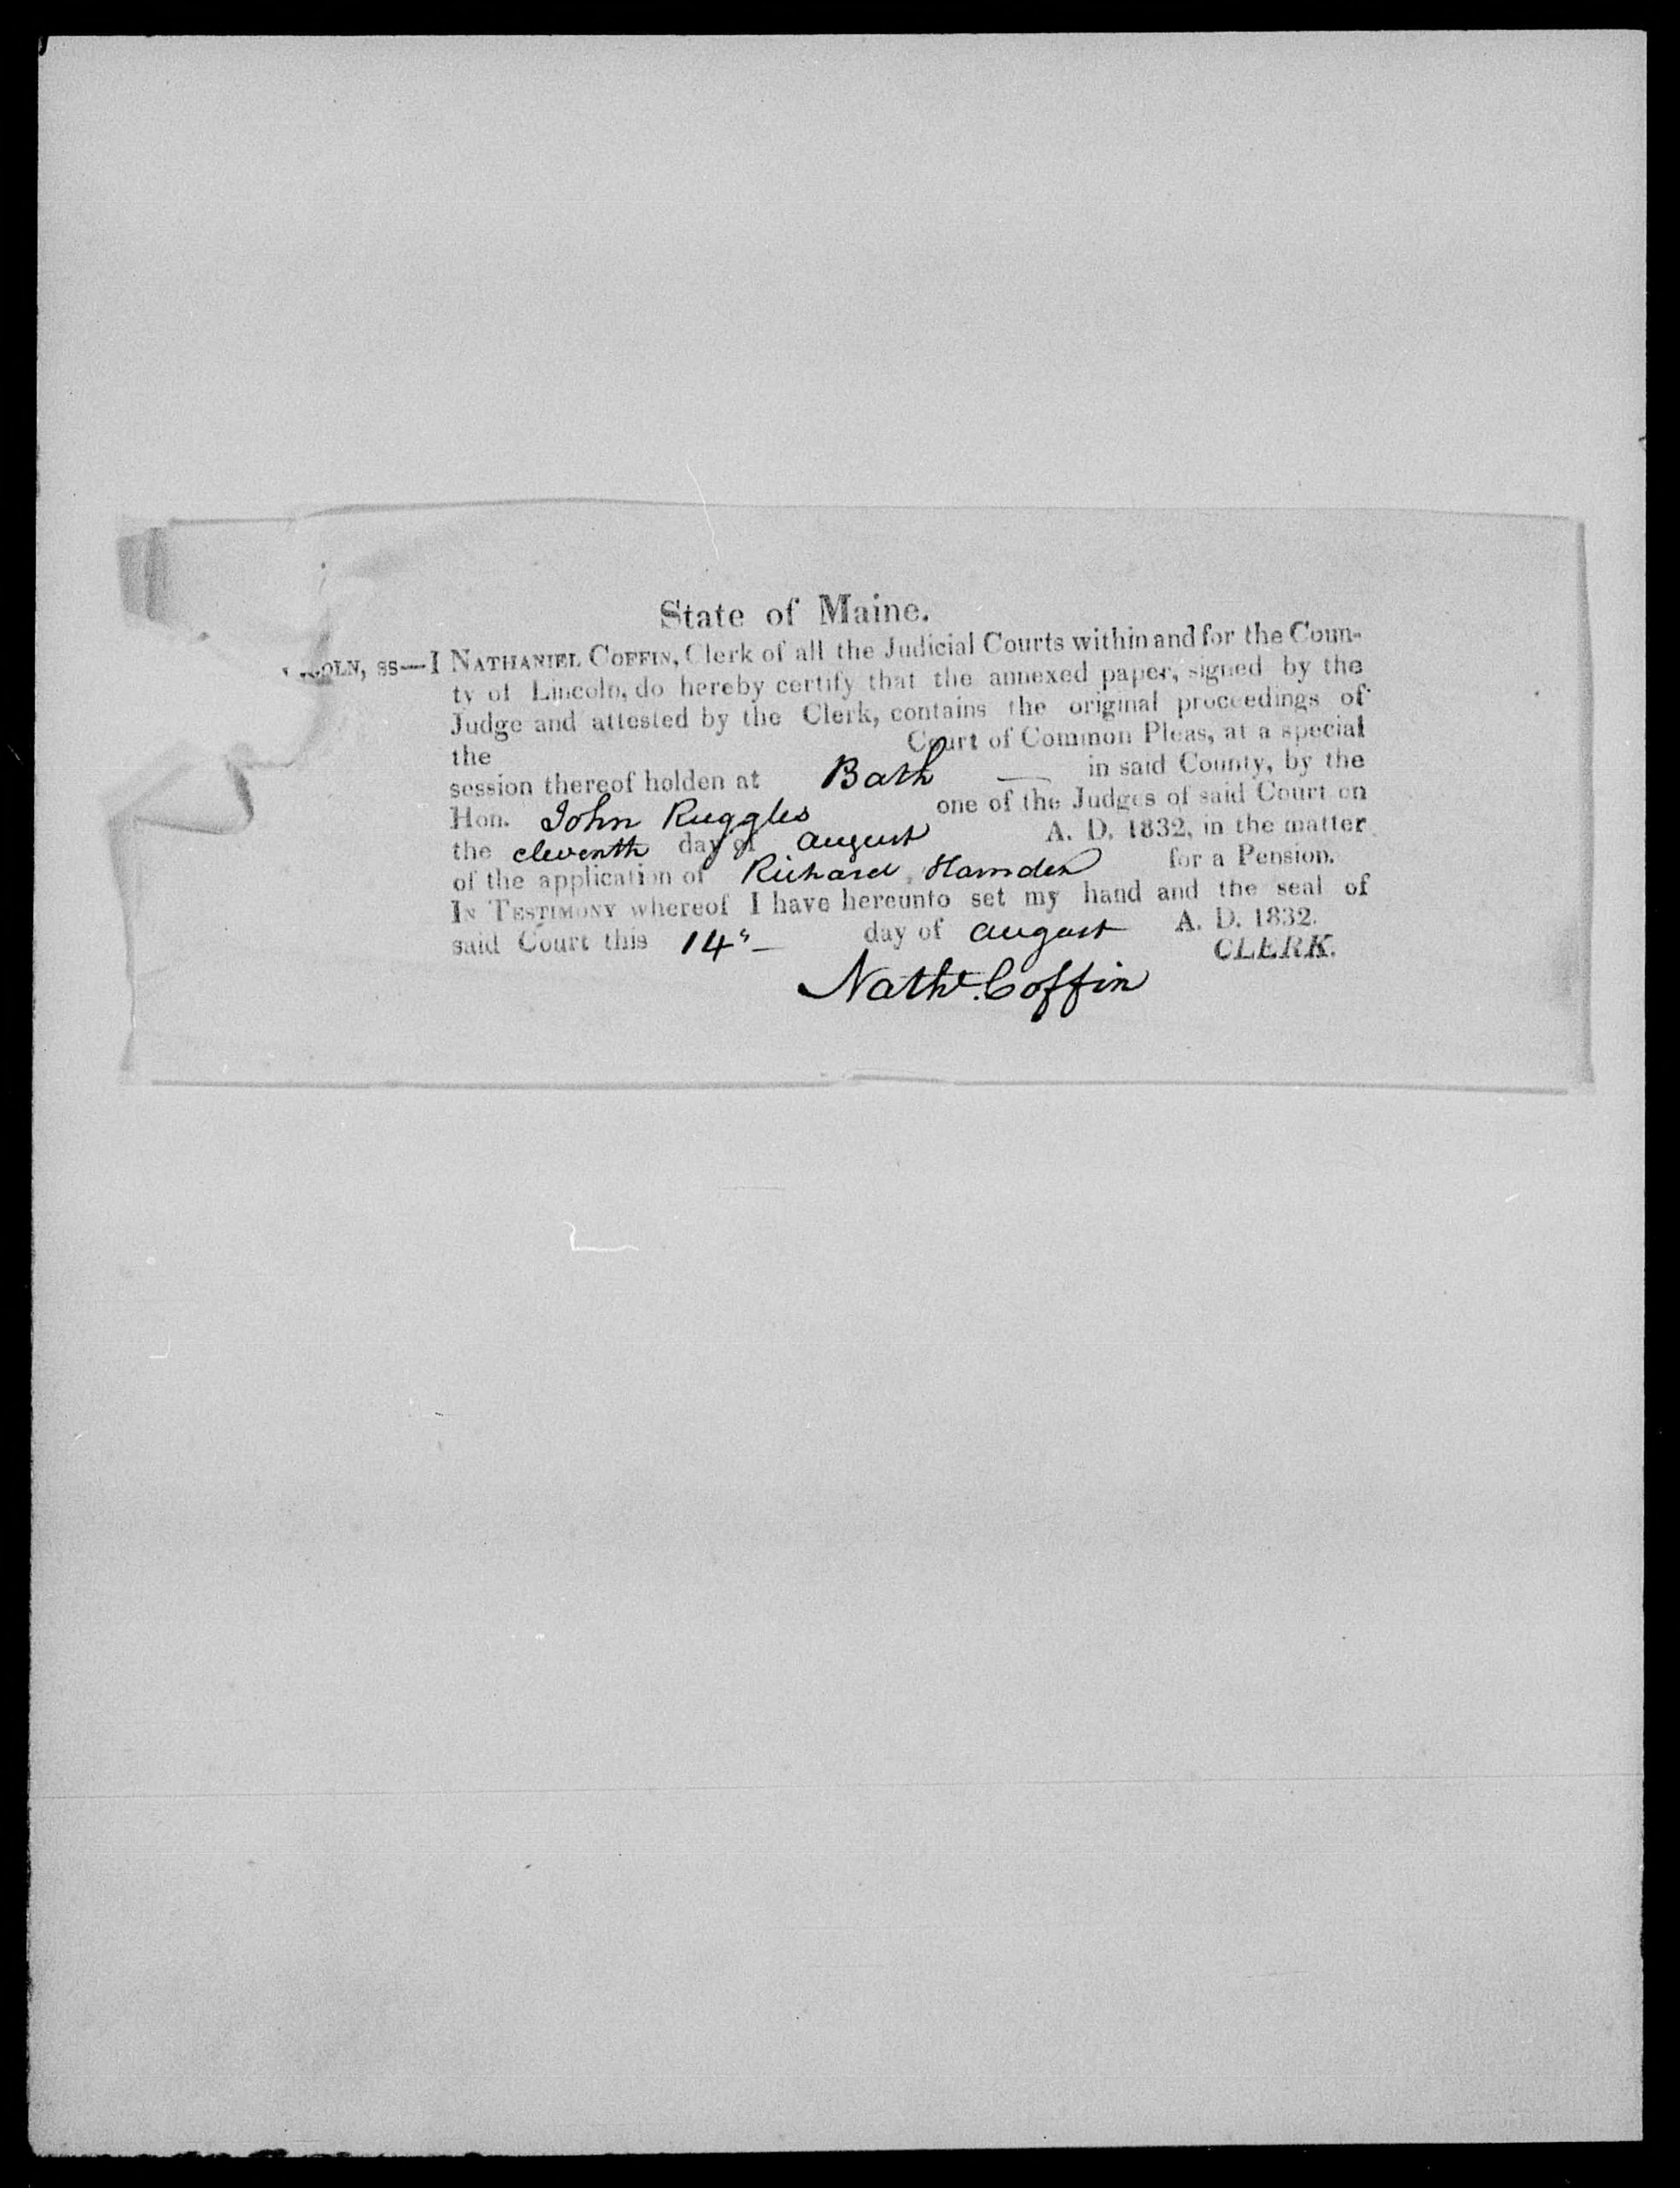State of Maine,
I, Nathaniel Coffin, Clerk of all the Judicial Courts within and for the County of Lincoln, do hereby certify that the annexed paper, signed by the Judge and attested by the Clerk, contains the original proceedings of the Court of Common Pleas, at a special session thereof holden at Bath in said County, by the Hon. John Ruggles one of the Judges of said Court on the eleventh day of August A.D. 1832, in the matter of the application of Richard Harnden for a Pensio.. In testimony whereof I have hereunto set my hand and the seal of said Court this 14th day of August A.D. 1832.
Nath'l Coffin
Clerk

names: Richard Harnden, Nathl Coffin, John Ruggles, Nathaniel Coffin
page: 3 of 10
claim: survivor's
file: S. 29,195, Richard Harnden, Mass.